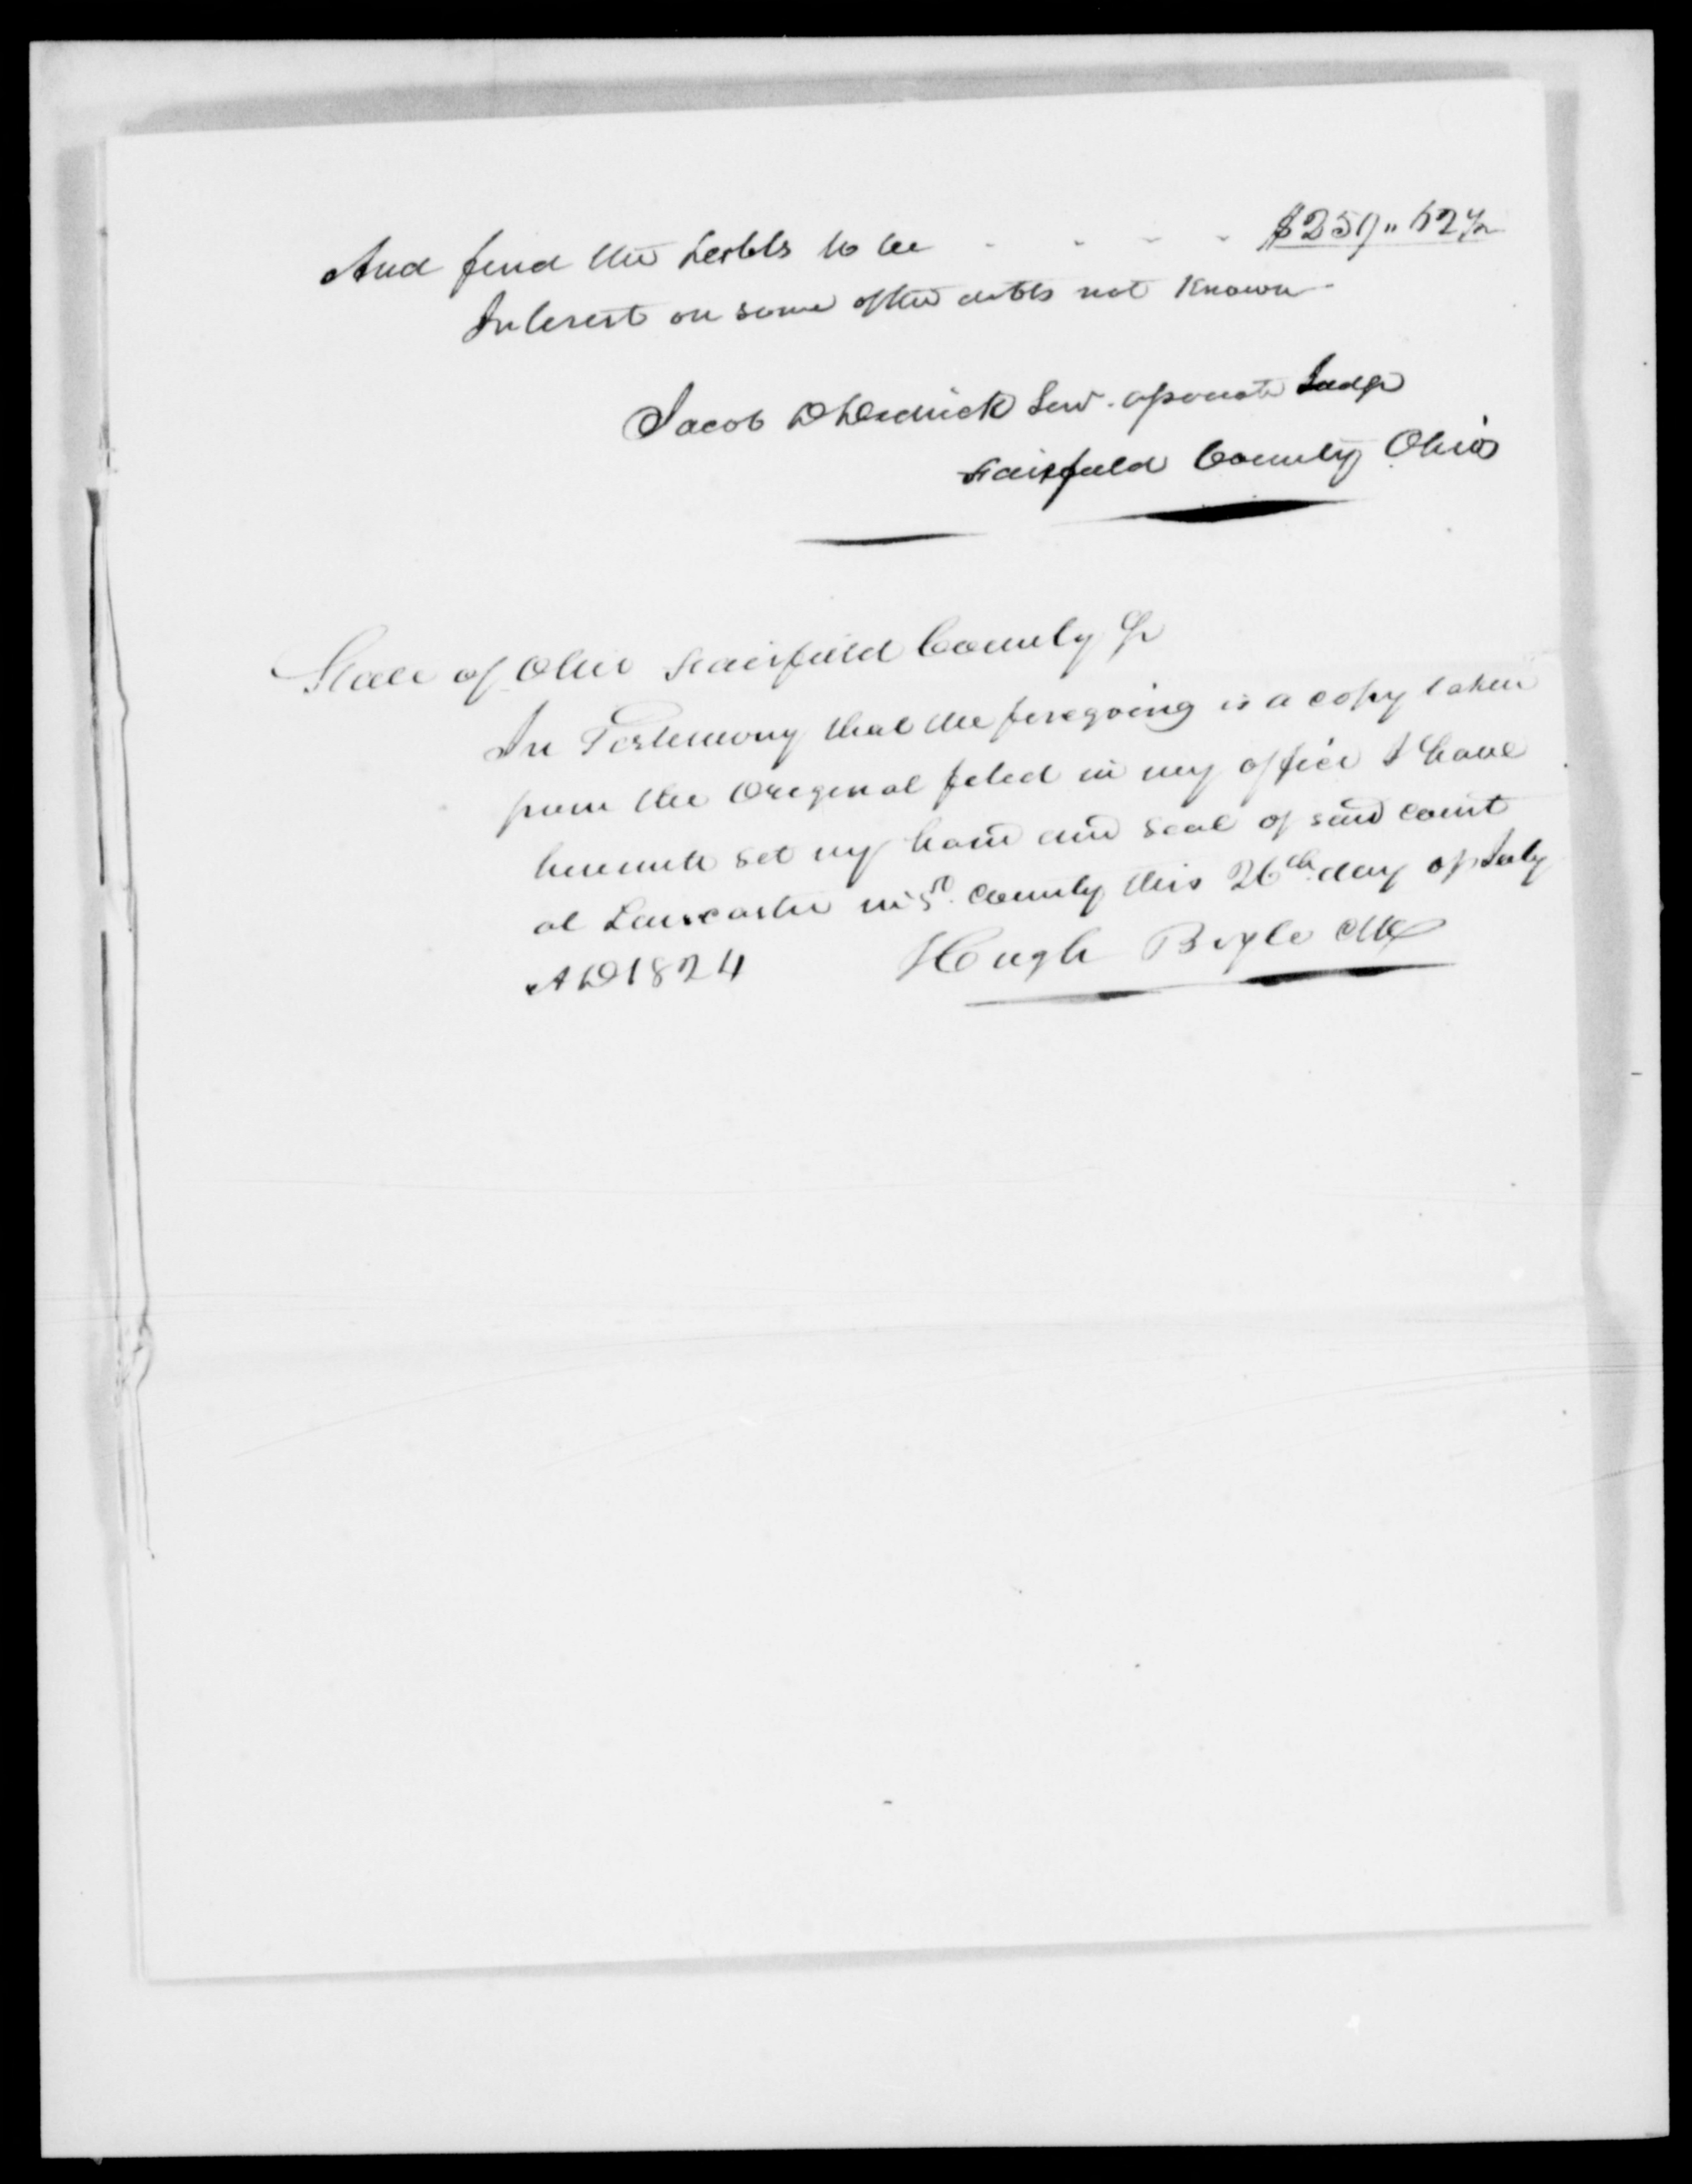And find the debts to be --- $259.62 2/3
Interest on some of the debts not Known
Jacob D. Dedrick  Senr. associate Judge
Fairfield County Ohio

State of Ohio Fairfield County  ss
In Testimony that the foregoing is a copy taken
from the Original filed in my office I have
hereunto set my hand and seal of said court
at Lancaster [illegible]. County this 26th day of July
AD 1824
Hugh Boyle  clk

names: Hugh Boyle, Jacob D Dedrick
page: 9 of 29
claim: survivor's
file: S. 40642, James Waters, Continental (Md)